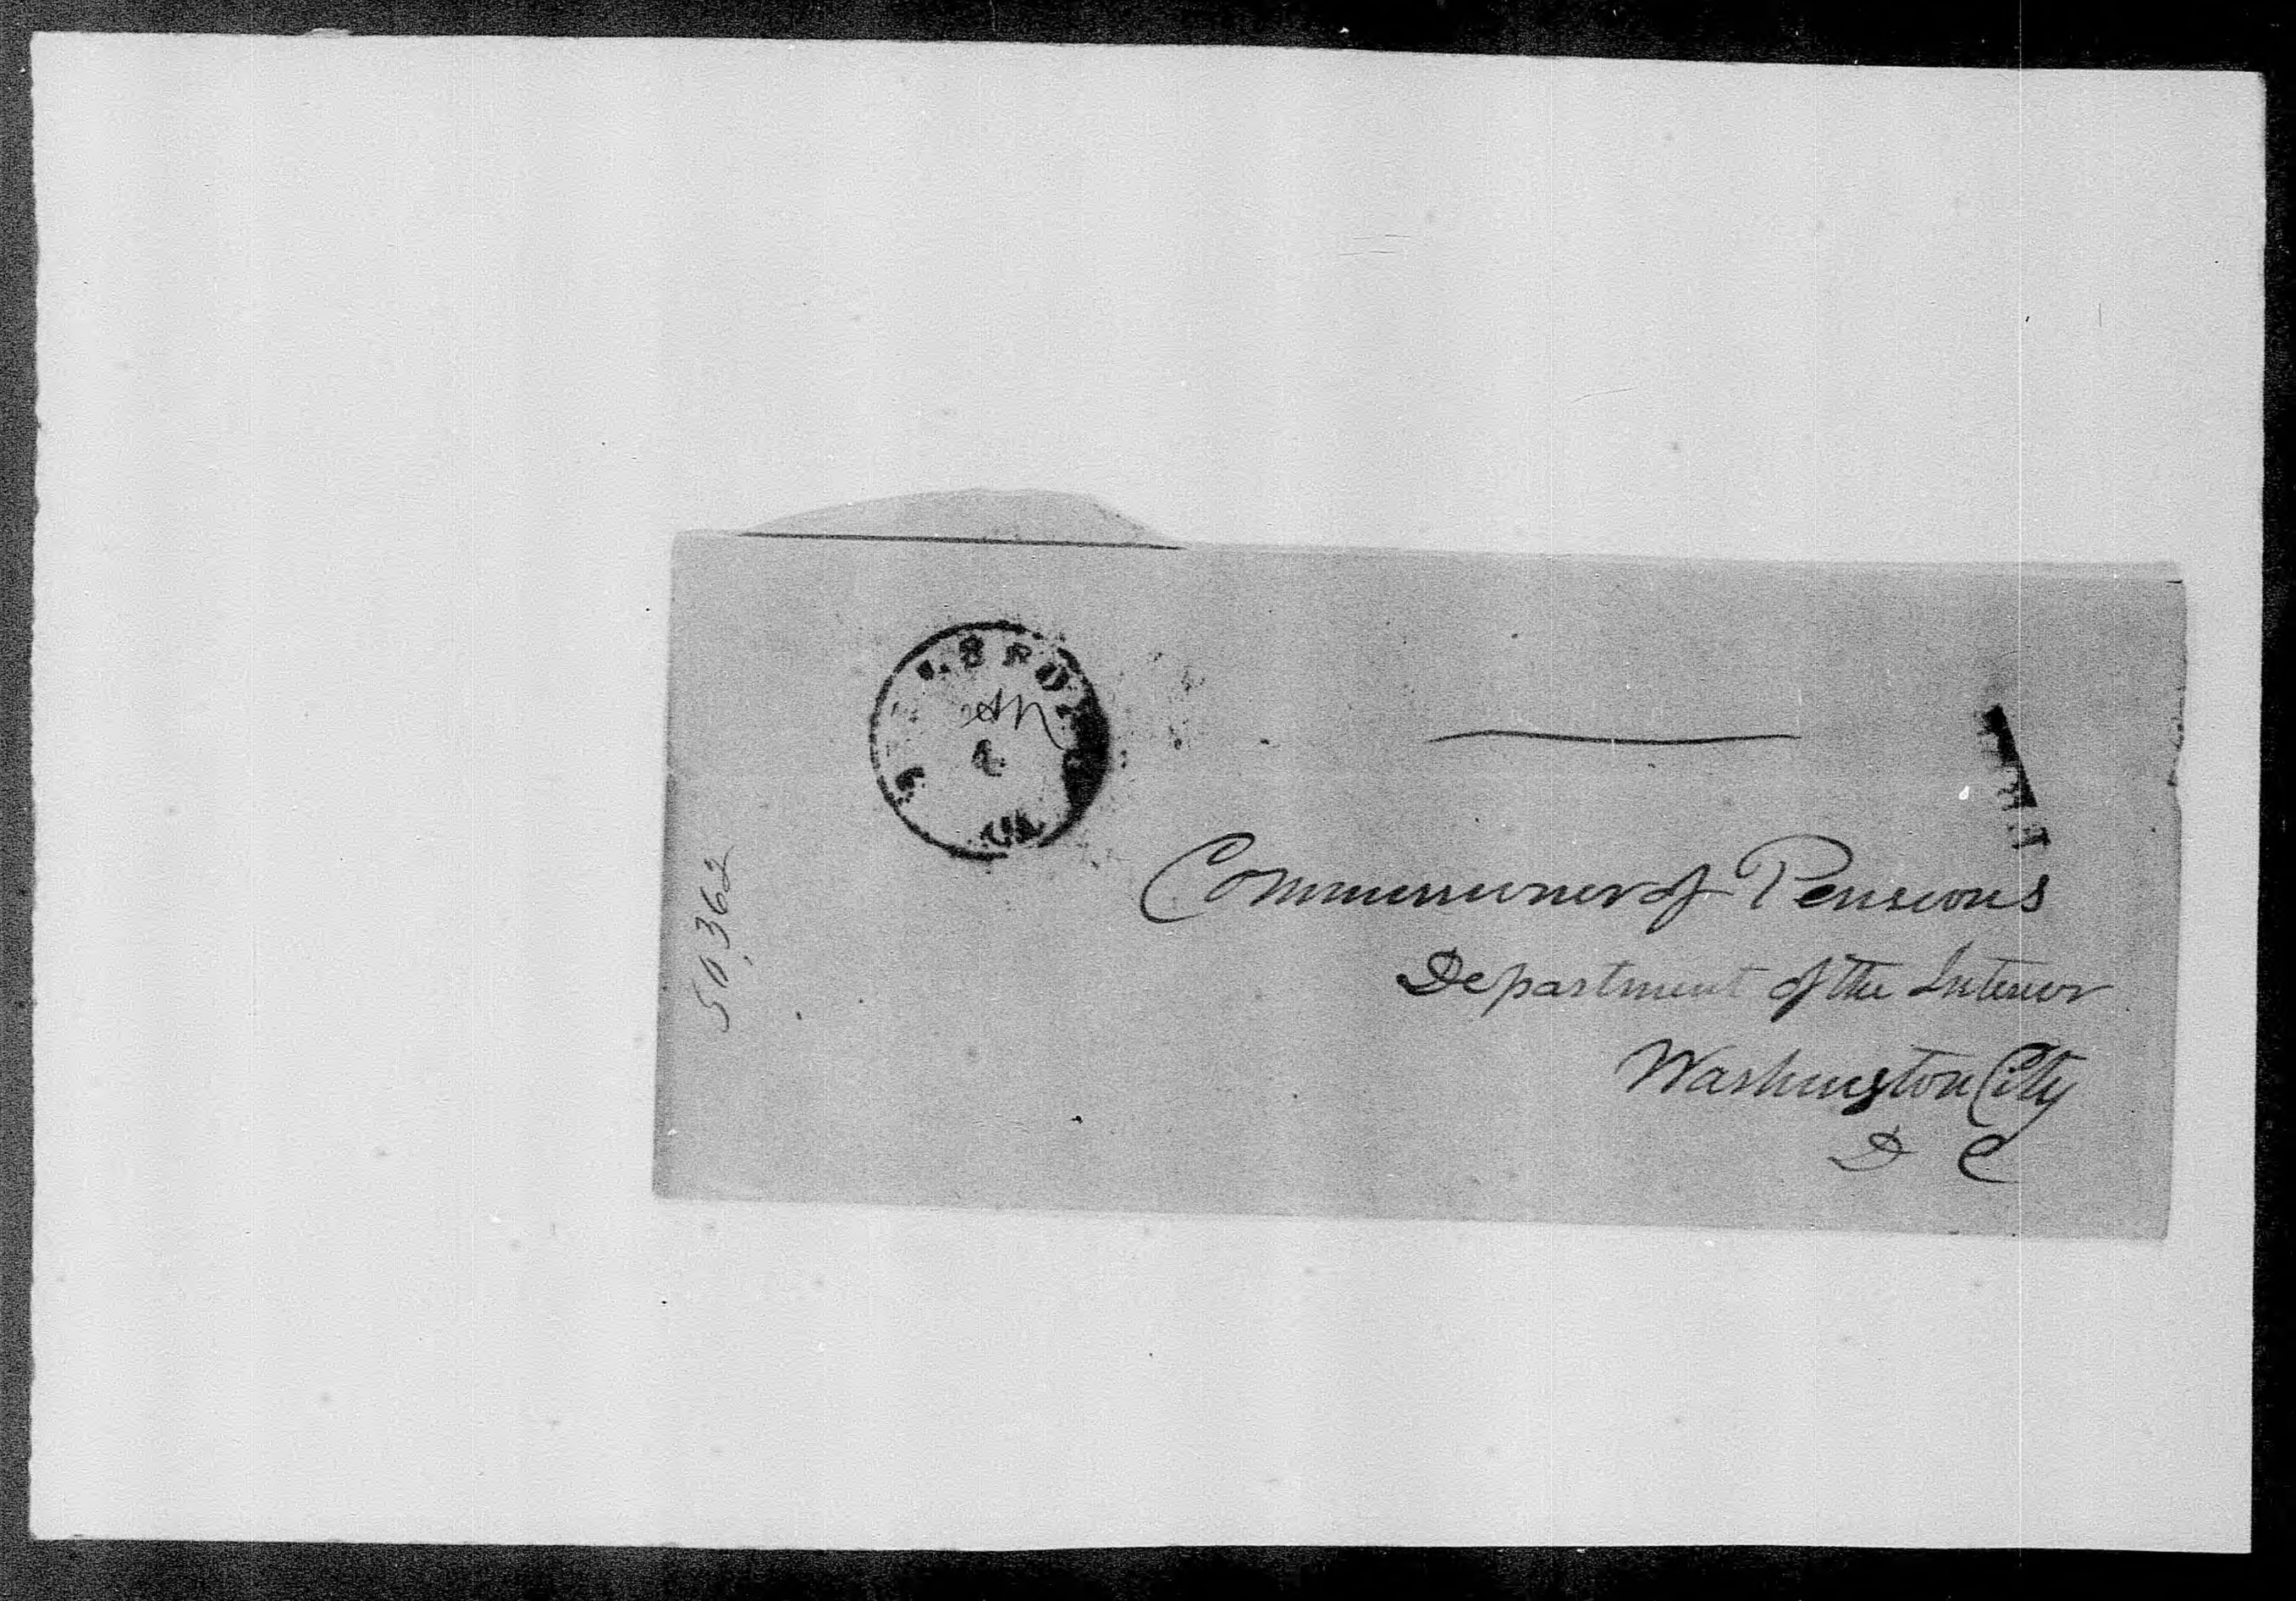[envelope]
FREE
Commissioner of Pensions
Department of the Interior
Washington City DC
[postmark]
HILLSBORO
[illegible]

50,362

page: 56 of 80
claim: widow's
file: W 2070, John Crawford, Penn.